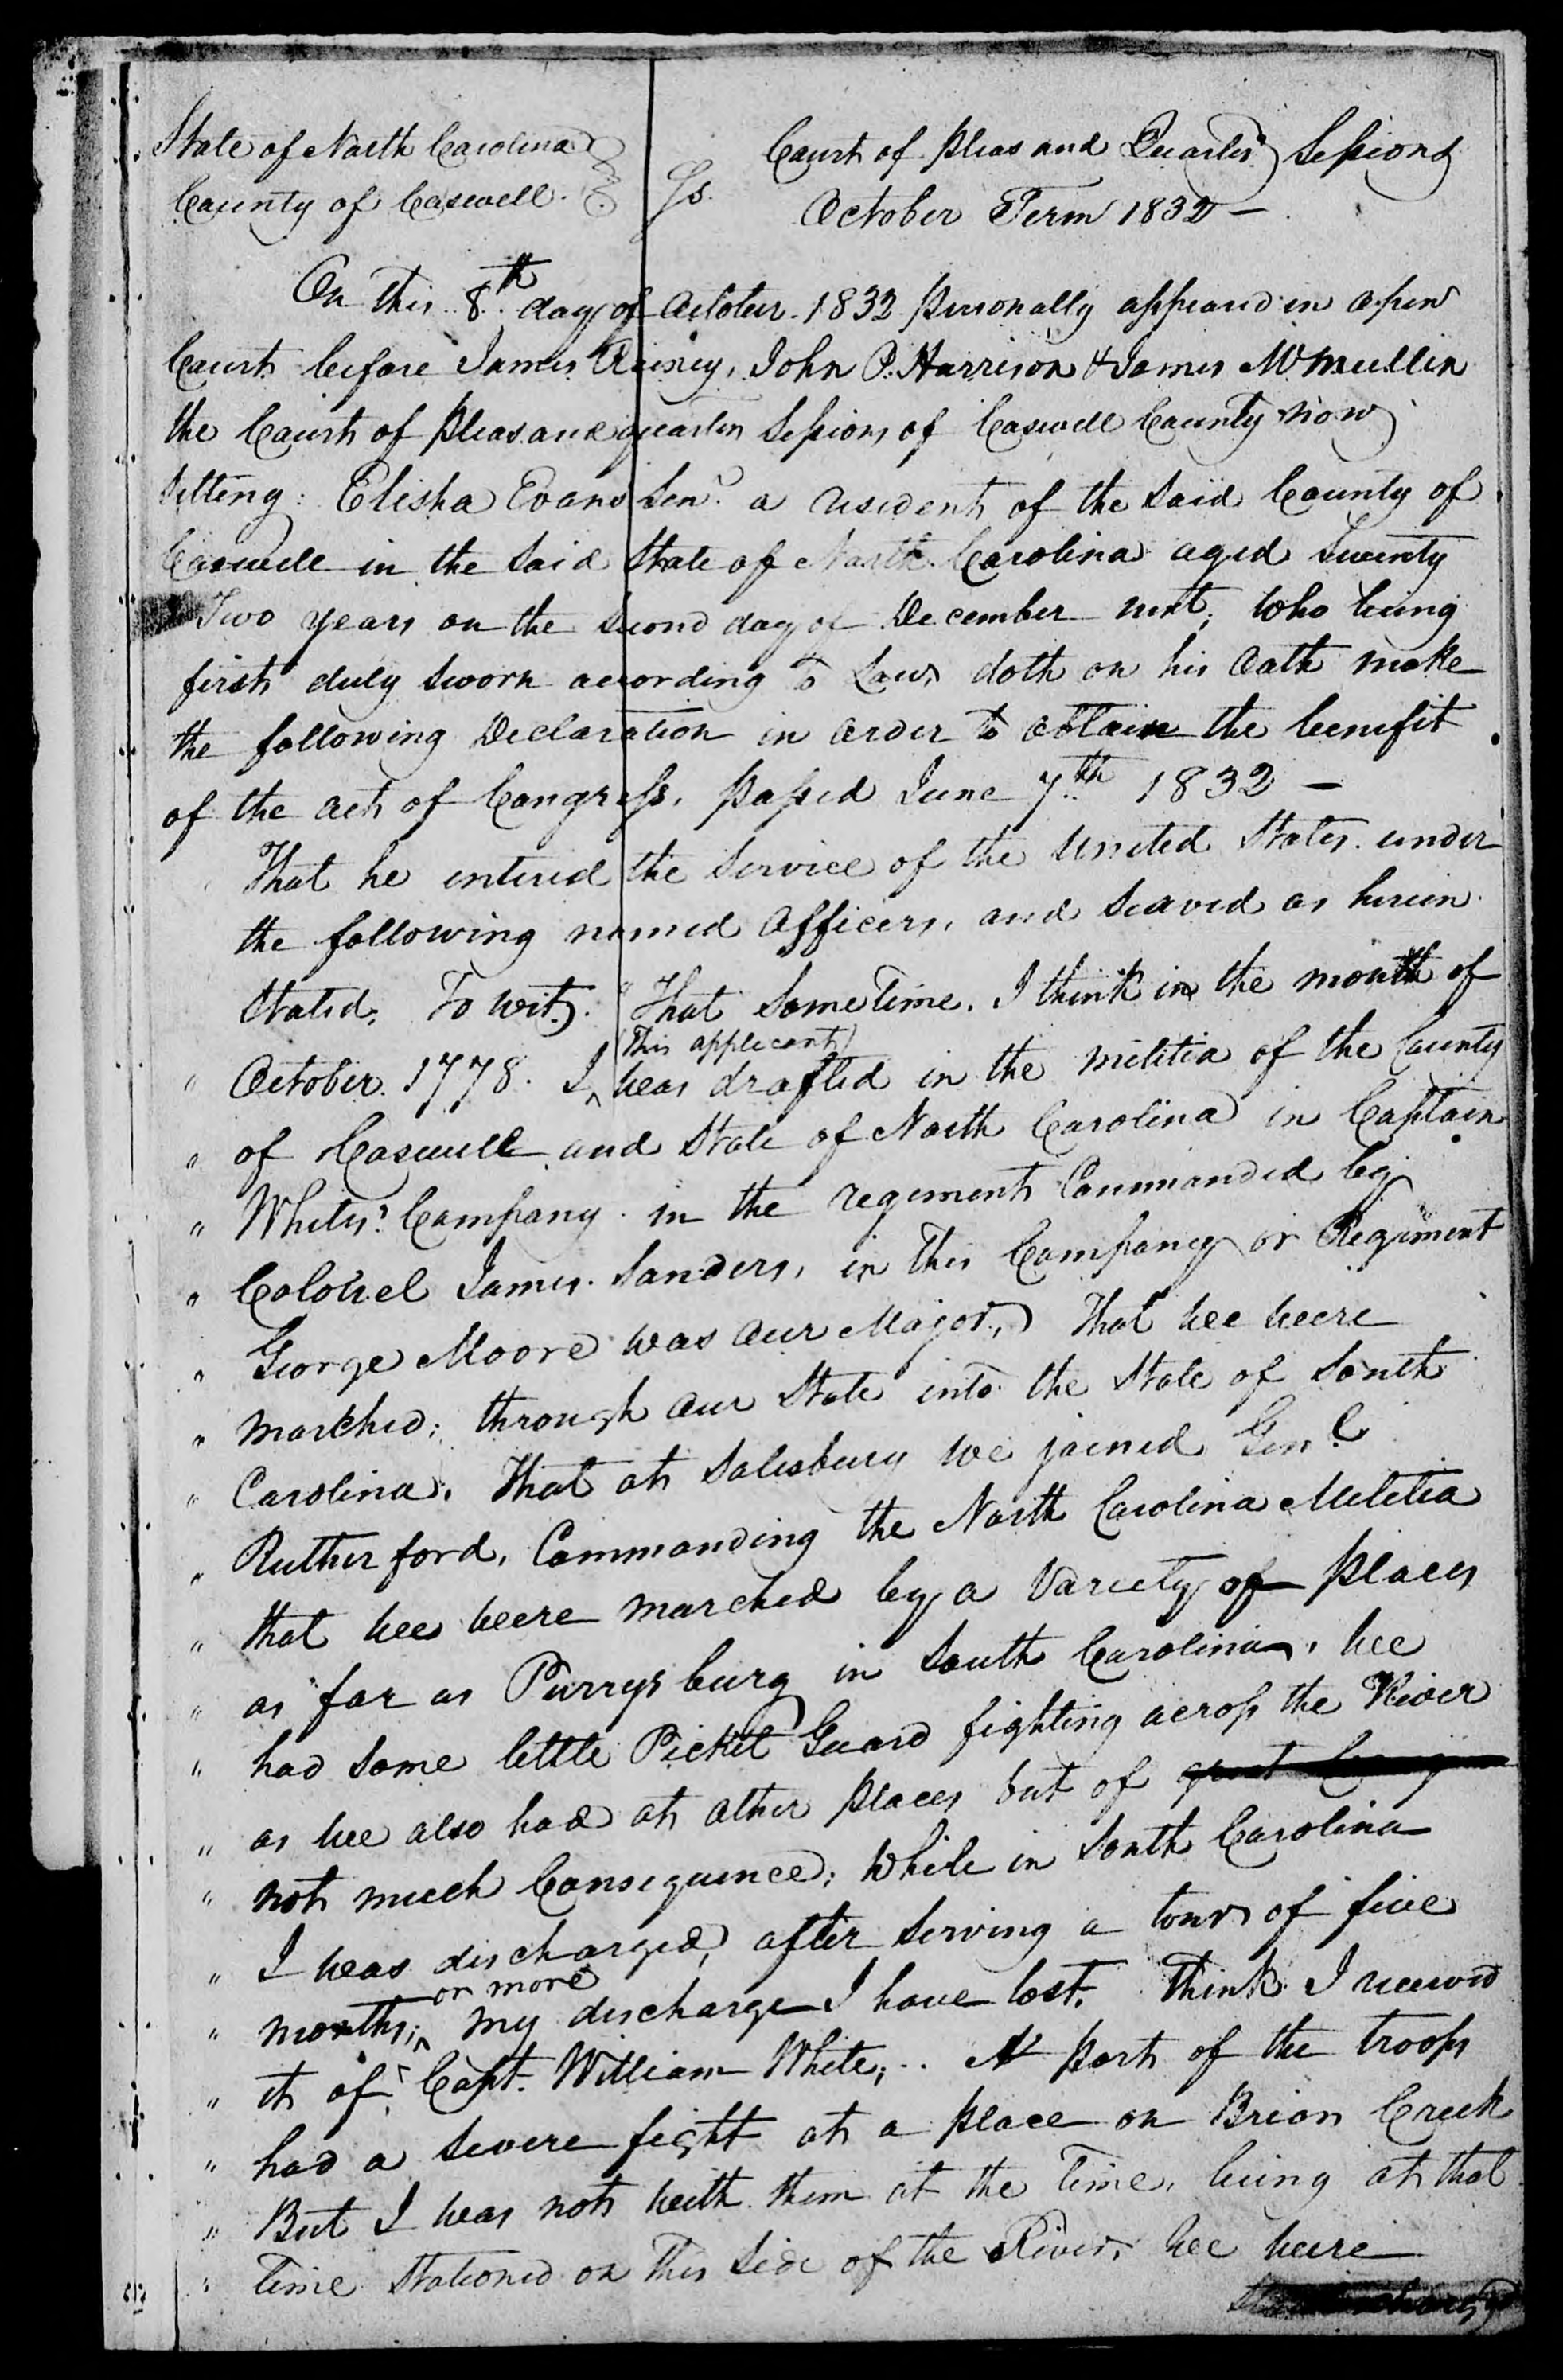State of North Carolina}
County of Caswell} Ss.

Court of pleas and Quarter Sessions
October Term 1832-
On this 8th day of October 1832 personally appeared in open Court before James Rainey, John P. Harrison + James McMullin the Court of Pleas and quarter Sessions of Caswell County now sitting, Elisha Evans Senr a resident of the said County of Caswell in the said State of North Carolina aged Seventy
Two years on the second day of December next, who being first duly sworn according to Law, doth on his oath make the following declaration in order to obtain the benefit
of the act of Congress, passed June 7th 1832-

That he entered the service of the United States under the following named Officers, and served as herein stated, to wit
That some time. I think in the month of October 1778. I this applicant drafted in the militia of the County of Caswell and State of North Carolina in Captain Whites' Company in the regiment commanded by Colonel James Sanders in this Company or regiment
George Moore was our Major. That we were
marched through our State into the State of South Carolina. That at Salisbury we joined Genl Rutherford, Commanding the North Carolina Militia that we were marched by a variety of places as far as Perrysburg in South Carolina, we had some little picket Guard fighting across the River as we also had at other places but of not much consequence, while in South Carolina I was discharged, after serving a tour of five months my discharge I have lost. I think I received it of Capt. William White,. A part of the troops had a severe fight at a place on Brion Creek But I was not with them at the time, being at that time stationed on this side of the River, we here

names: John P Harrison, Elisha Evans, Rutherford, James Rainey, James Sanders, James Mc Mullin, William White, George Moore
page: 5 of 29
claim: survivor's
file: S. 6830, Elisha Evans, N.C.